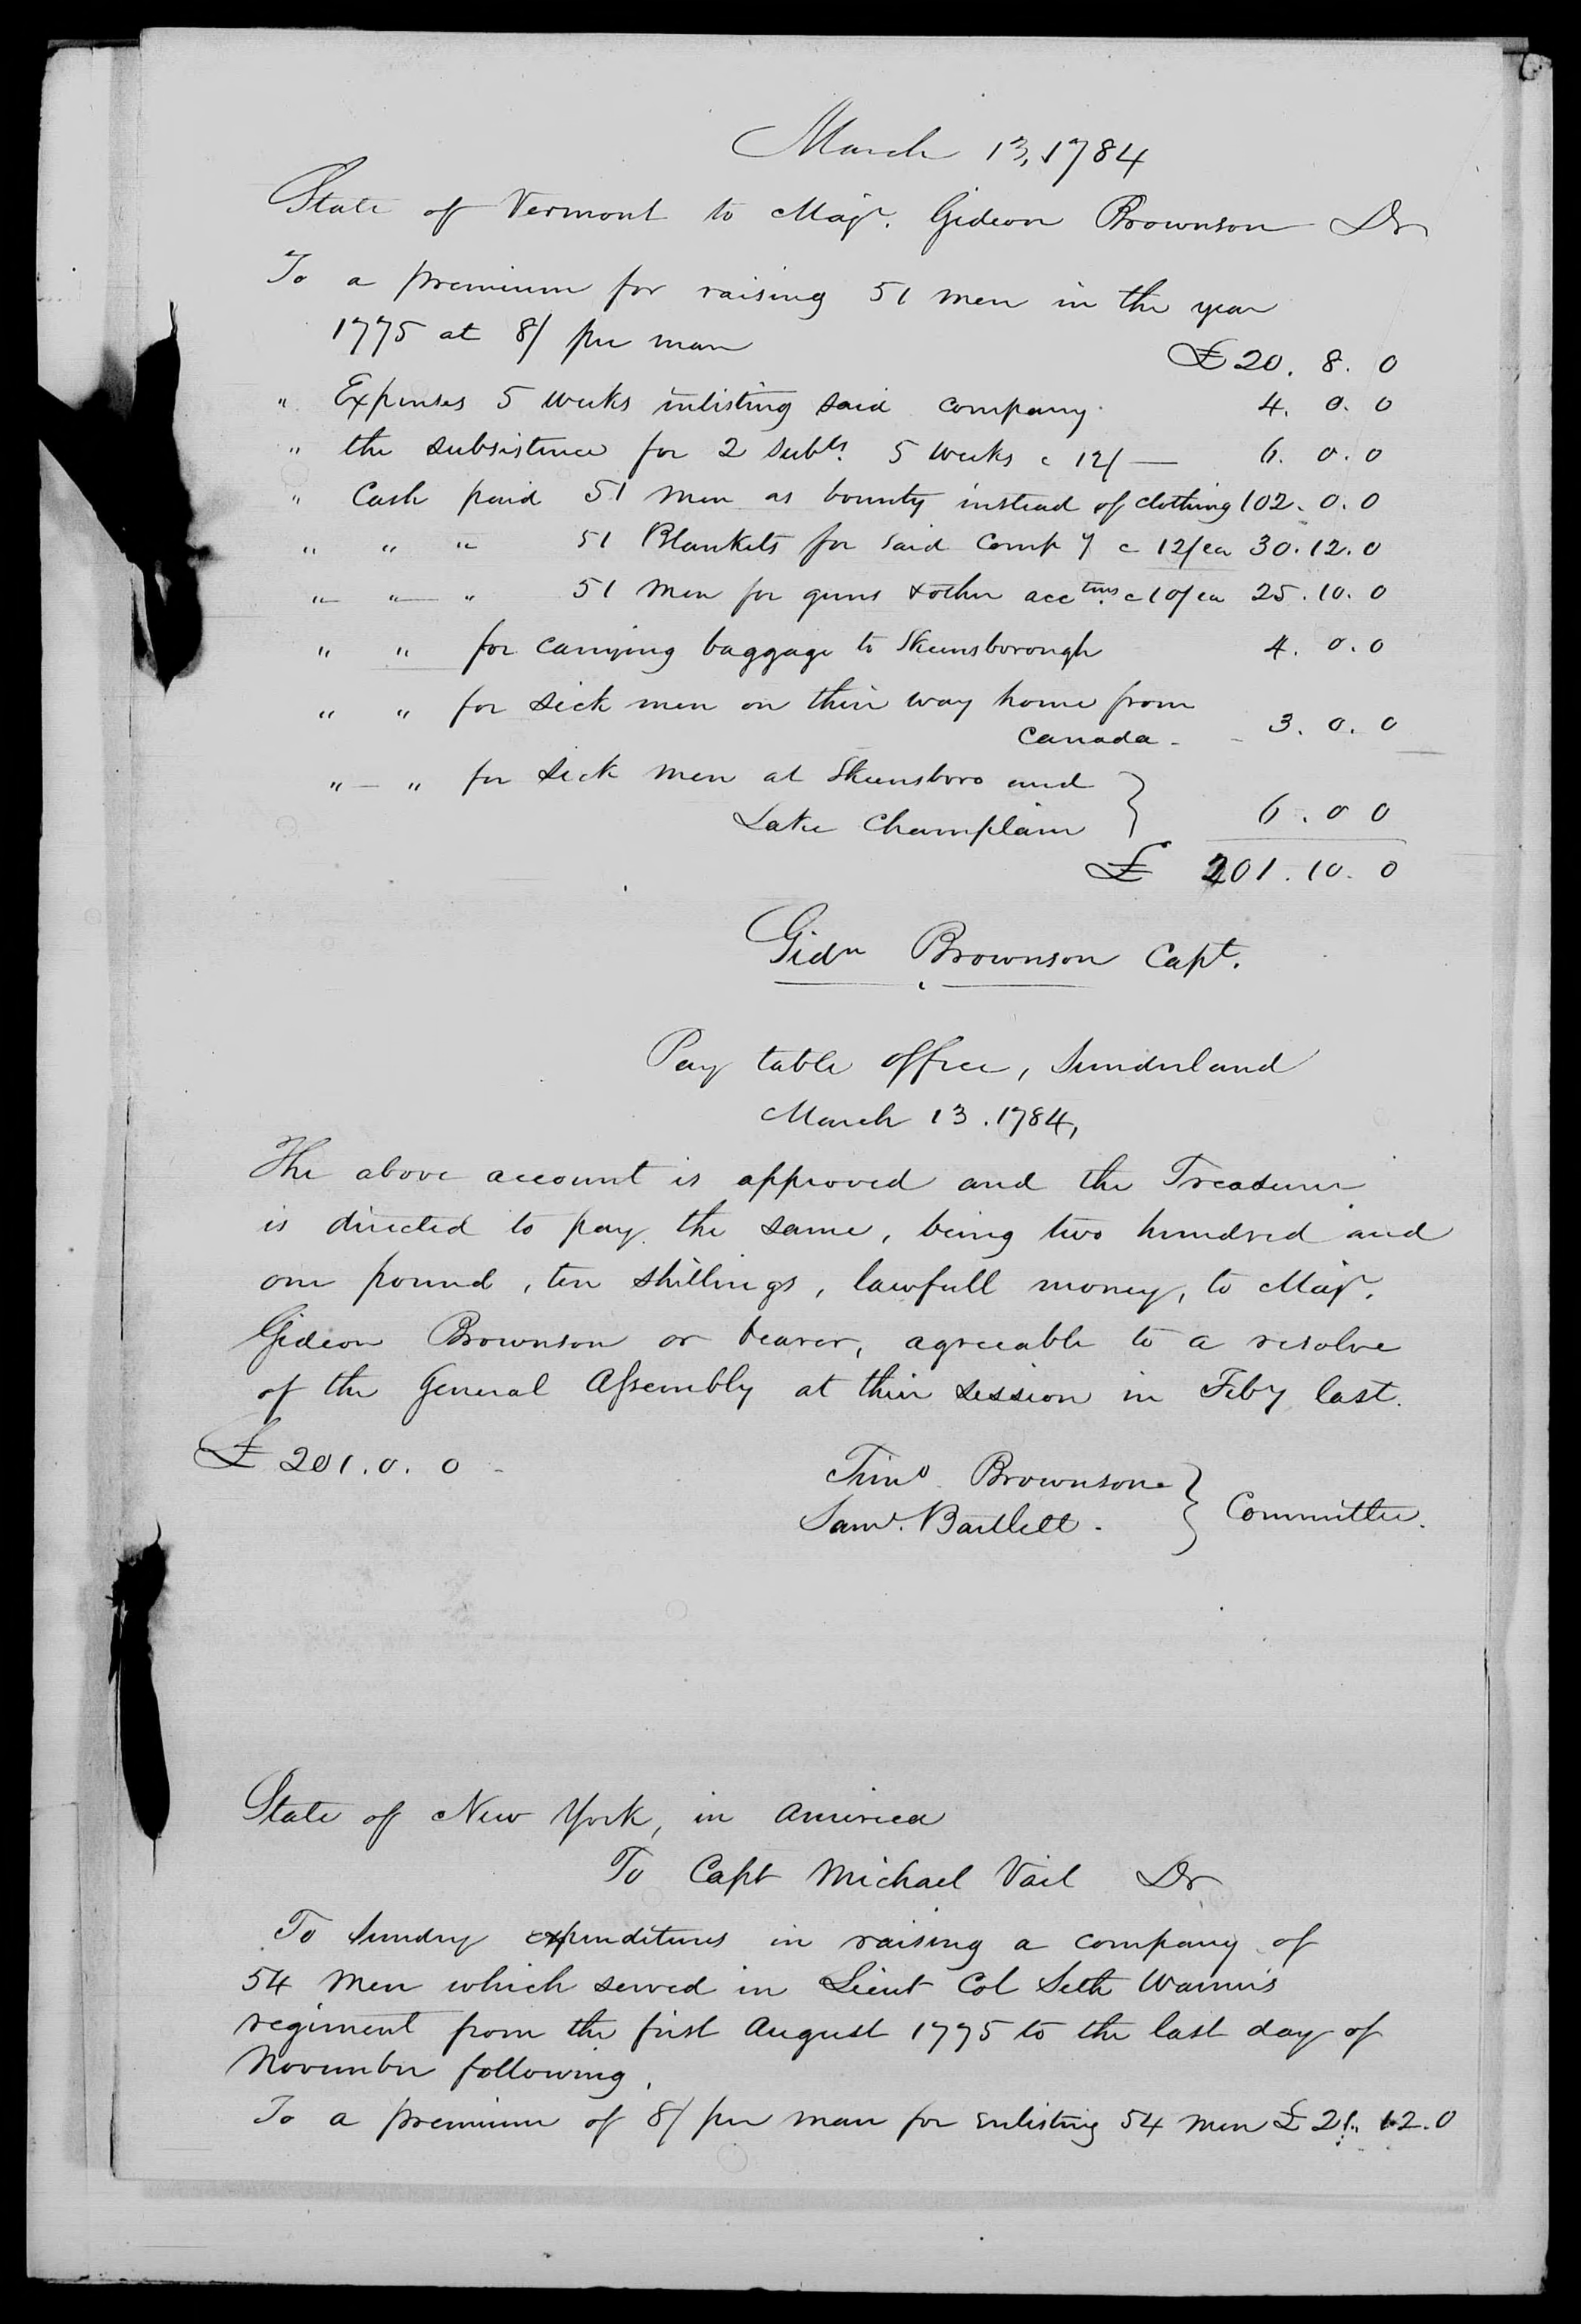March 13, 1784
State of Vermont to Majr Gideon Brownson Jr
To a premium for raising 51 men in the year
1775 at 8[s]/ per man #20.8.0
To Expenses 5 weeks inlisting said company
4.0.0
To the subsistence for 2 Sub’t 5 weeks. @12/ 6.0.0
To Cash paid 51 Men as bounty instead of clothing 102.0.0
To cash paid 51 Blankets for said Comp @ 12/ea 30.12.0
To cash paid 51 men for guns & other acc’tms @1 of ea 25.10.00
To cash for carrying baggage to Skeensborough 4.0.0
To cash for sick men on their way home from Canada-
3.0.0
To Cash for for sick men at Skeensboro and Lake Champlain
6.0.0
#201.10.0

Gid’n Brownson Capt
Pay table office, Sunderland
March 13, 1784

The above account is approved and the Treasurer
is directed to pay the same, being two hundred and
one pound ten shillings, lawfull money, to Maj
Gideon Brownson or bearer, agreeable to a resolve
of the General Assembly at their session in Feby last
#201.0.0
Tim’o Brownson
Sam’l Bartlett
Committee

State of New York, in America
To Capt Michael Vail Dr
To Sundry Expenditures in raising a company of
54 men which served in Lieut Col Seth Warner's
regiment from the first August 1775 to the last day of
November following.
To a premium of 8 per man for enlisting 54 men & 21.12.0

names: Michael Vail; Saml Bartlett; Gideon Brownson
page: 27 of 99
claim: widow's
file: W. 24,482, for Richard Lattin, Vermont